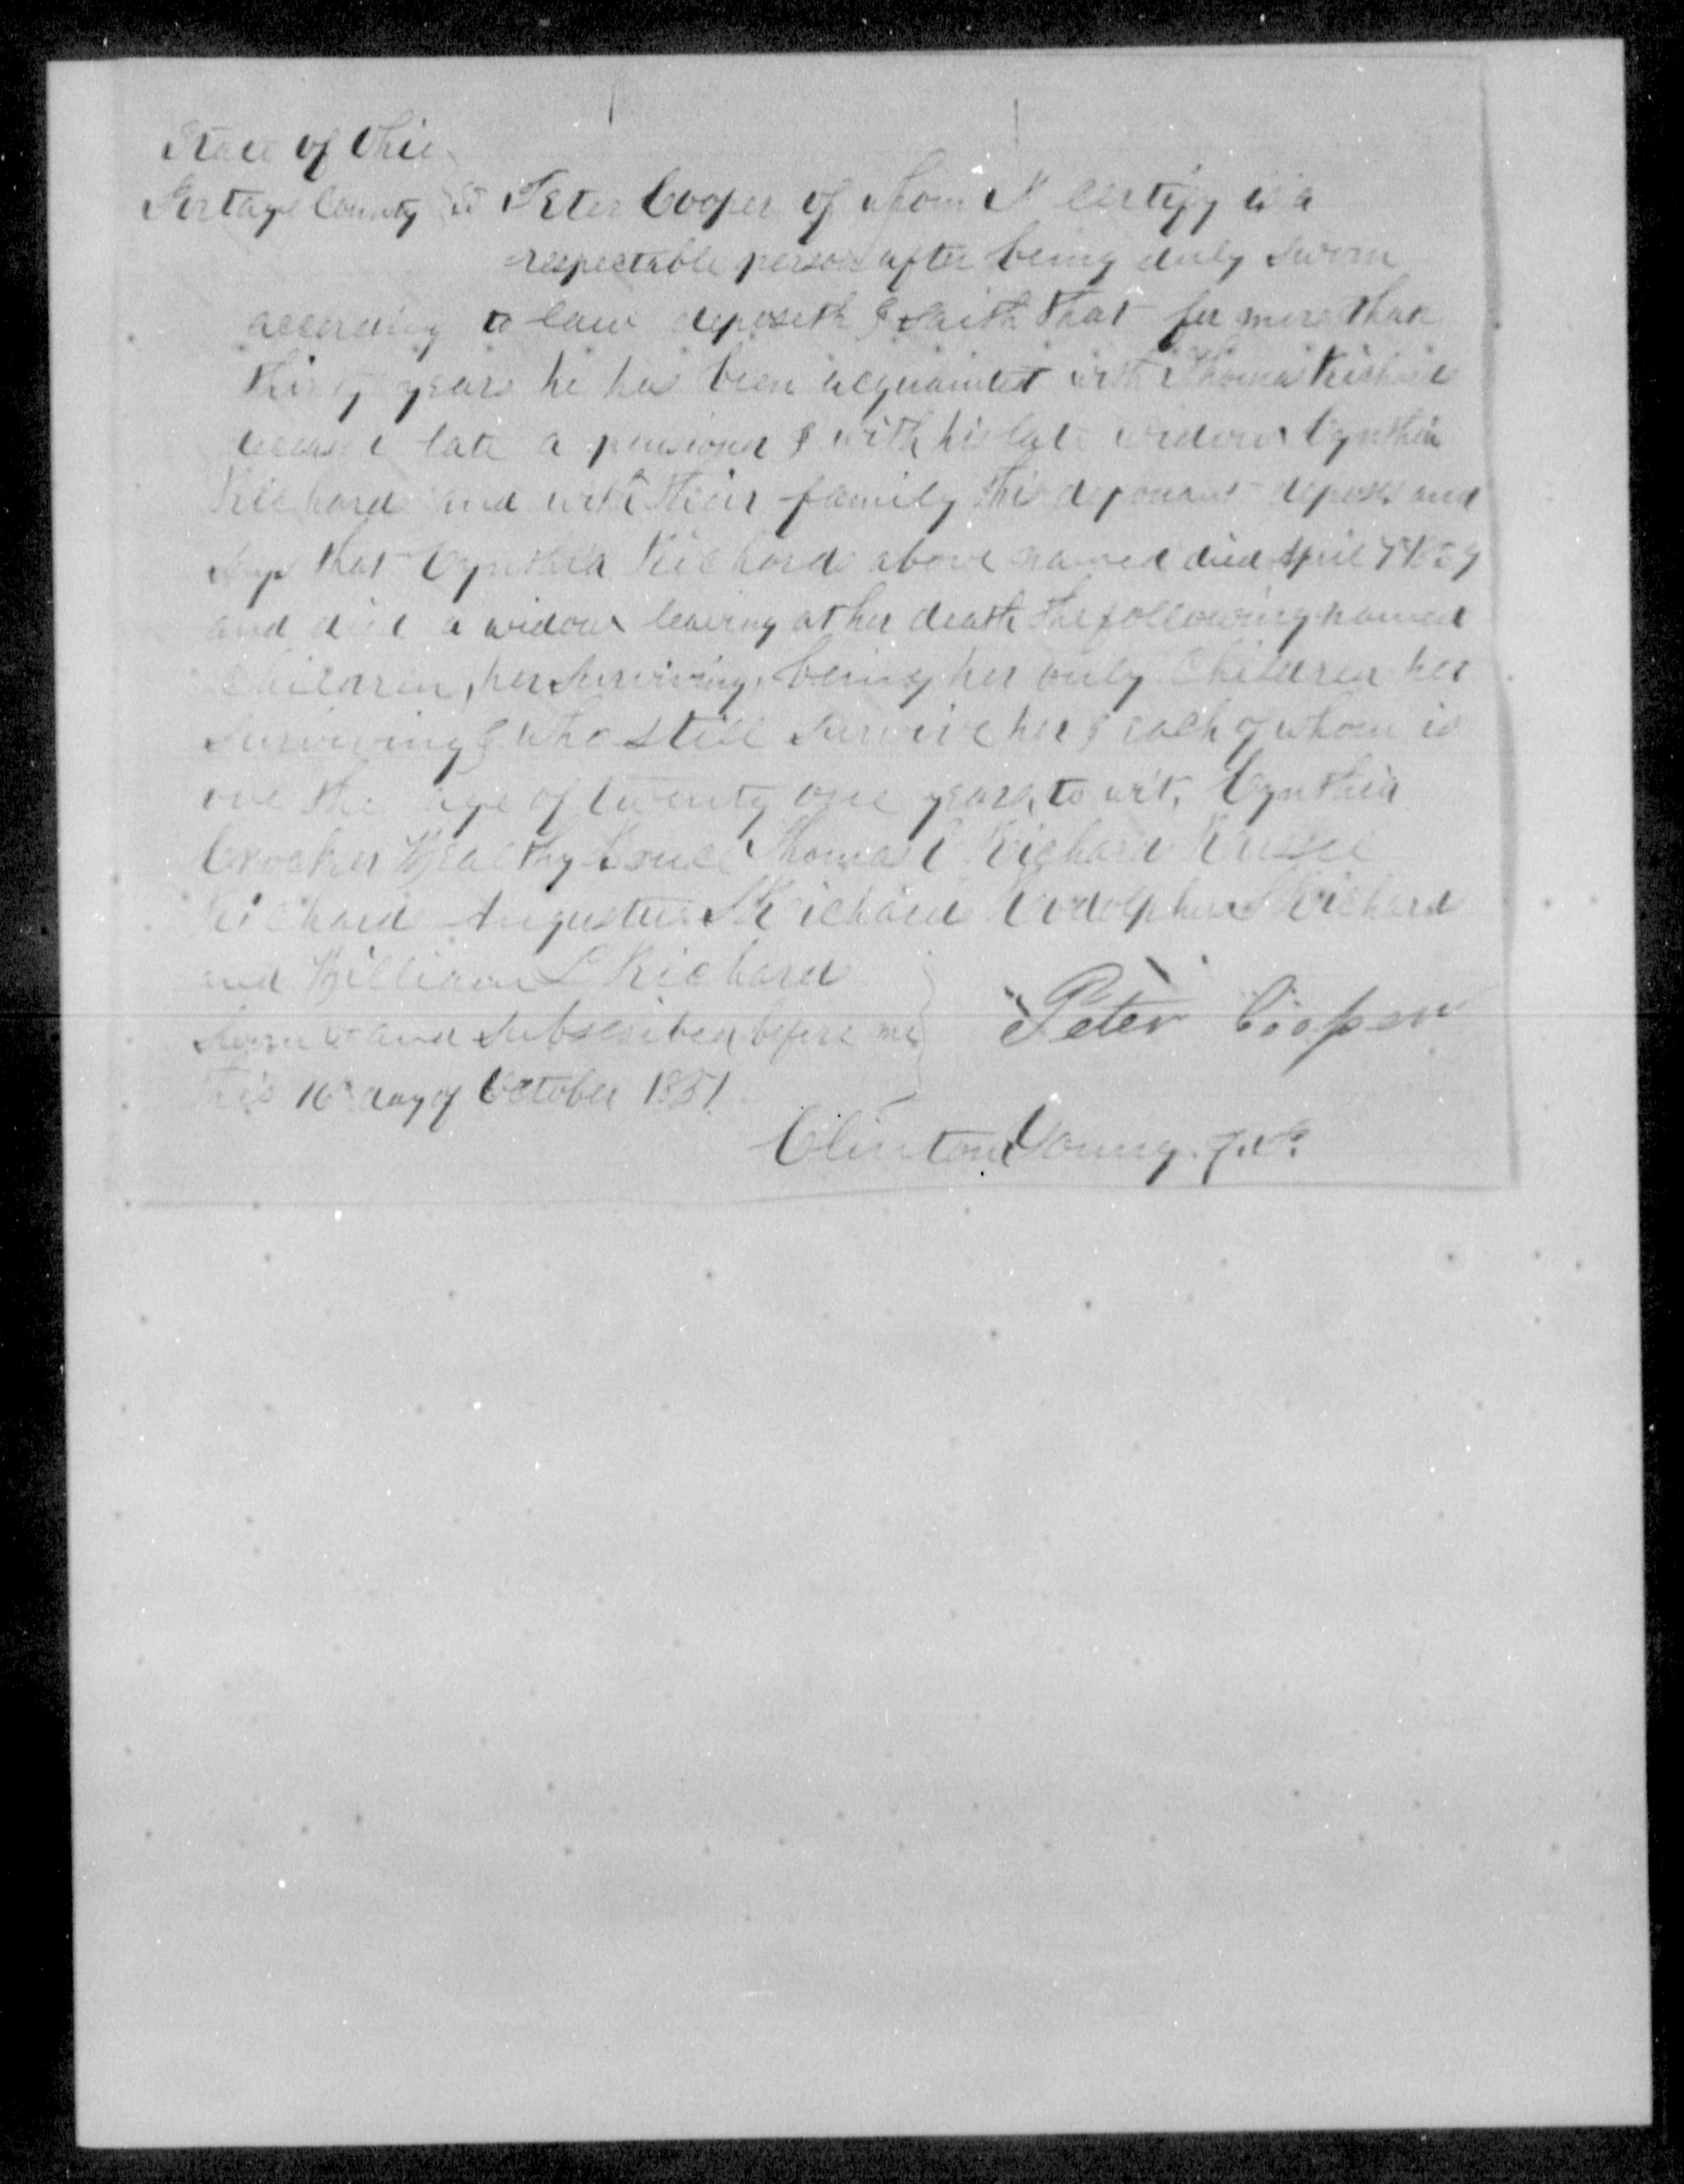State of Ohio
Portage County} ss Peter Cooper of whom I certify is a respectable person after being duly sworn according to law deposeth & saith that for more than thirty years he has been acquainted with Thomas Richards late a pensioner & with his late widow Cynthia
Richards and with their family the deponent - deposeth and saith that Cynthia Richards above named died April 7 1839 and is a widow leaving at her death the following named children, her surviving being her only children her Surviving who still survive her each of whom is over the age of twenty one years, to wit, Cynthia Crocker, Wealthy Bruce Thomas E. Richards Russell Richards Augustus S. Richards
Rhodolphus S. Richards and Williams L. Richards
Peter Cooper
Sworn to and subscribed before me this 16th day of October 1851
Clinton Young Jus P [JUSTICE PEACE]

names: Peter Cooper; Russel Richards; Wealthy Bruce; William L Richards; Cynthia Richards; Peter Cooper; Rodolphus Richards; Augustus S Richards; Thomas E Richards; Clinton Young; Cynthia Richards; Cynthia Crocker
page: 73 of 109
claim: widow's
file: W. 5709, for Thomas Richards, New Hampshire